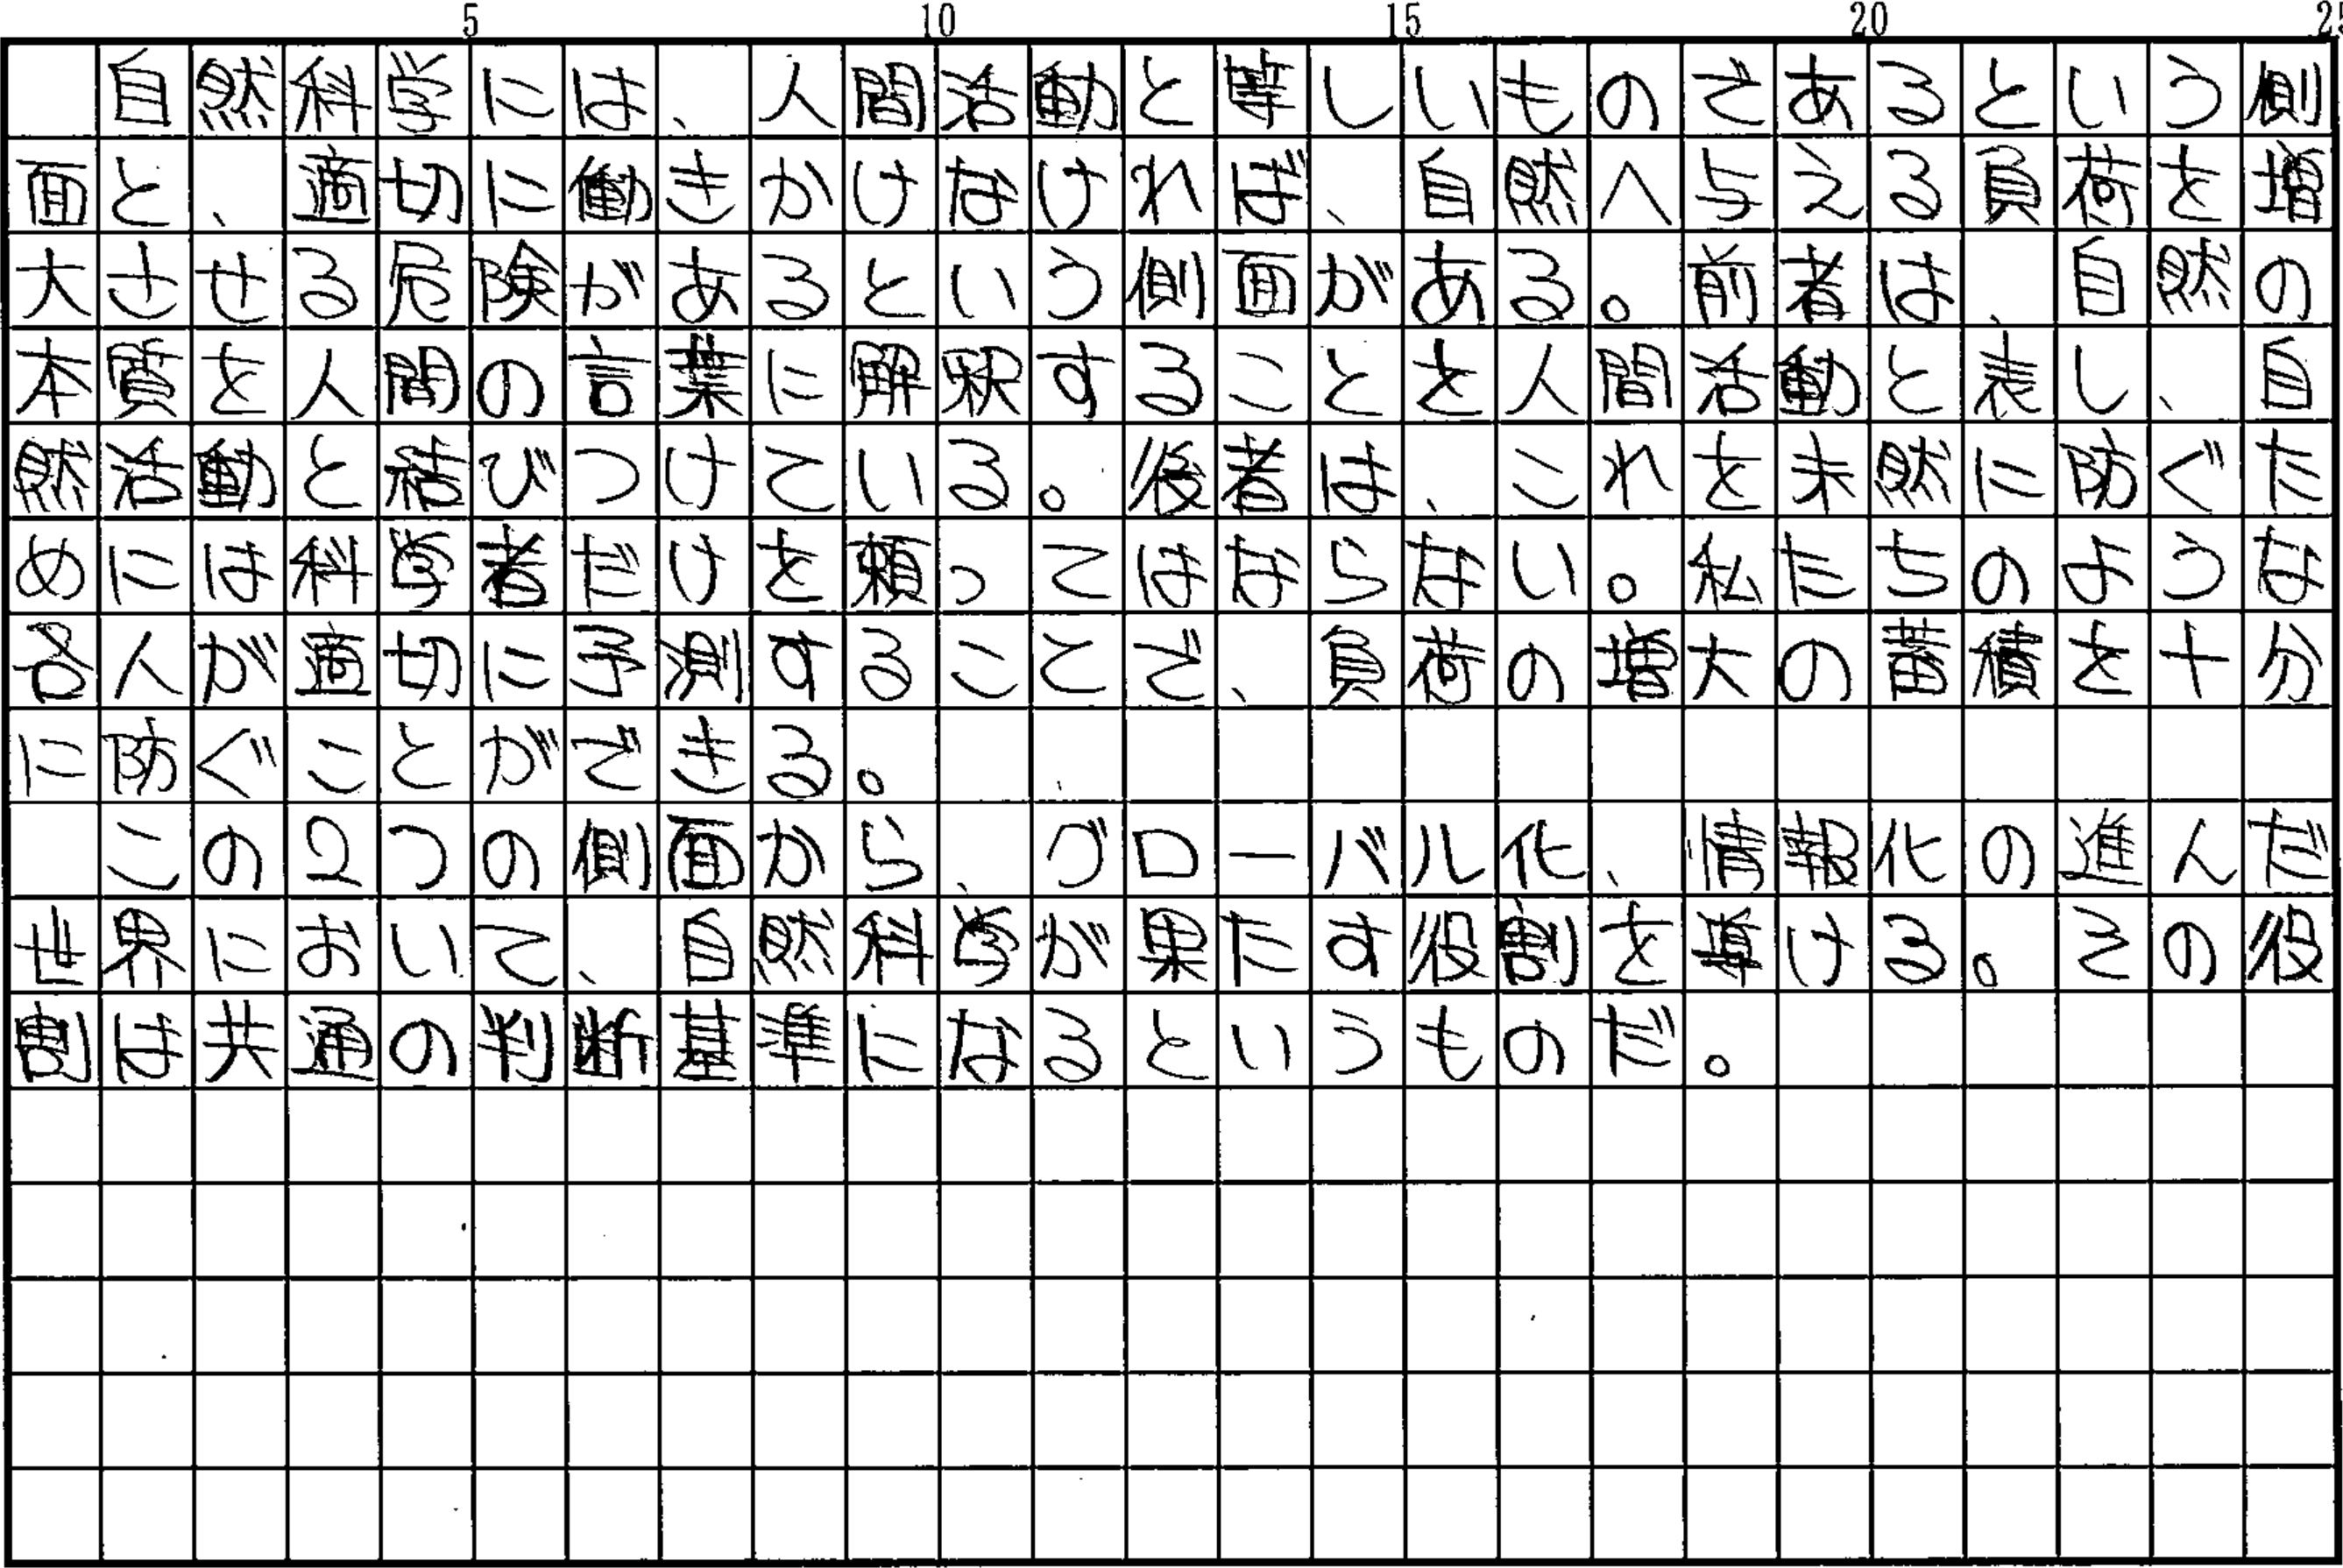　自然科学には、人間活動と等しいものであるという側面と、適切に働きかけなければ、自然へ与える負荷を増大させる危険があるという側面がある。前者は、自然の本質を人間の言葉に解釈することを人間活動と表し、自然活動と結びつけている。後者は、これを未然に防ぐためには科学者だけを頼ってはならない。私たちのような各人が適切に予測することで、負荷の増大の蓄積を十分に防ぐことができる。
　この２つの側面から、グローバル化、情報化の進んだ世界において、自然科学が果たす役割を導ける。その役割は共通の判断基準になるというものだ。
